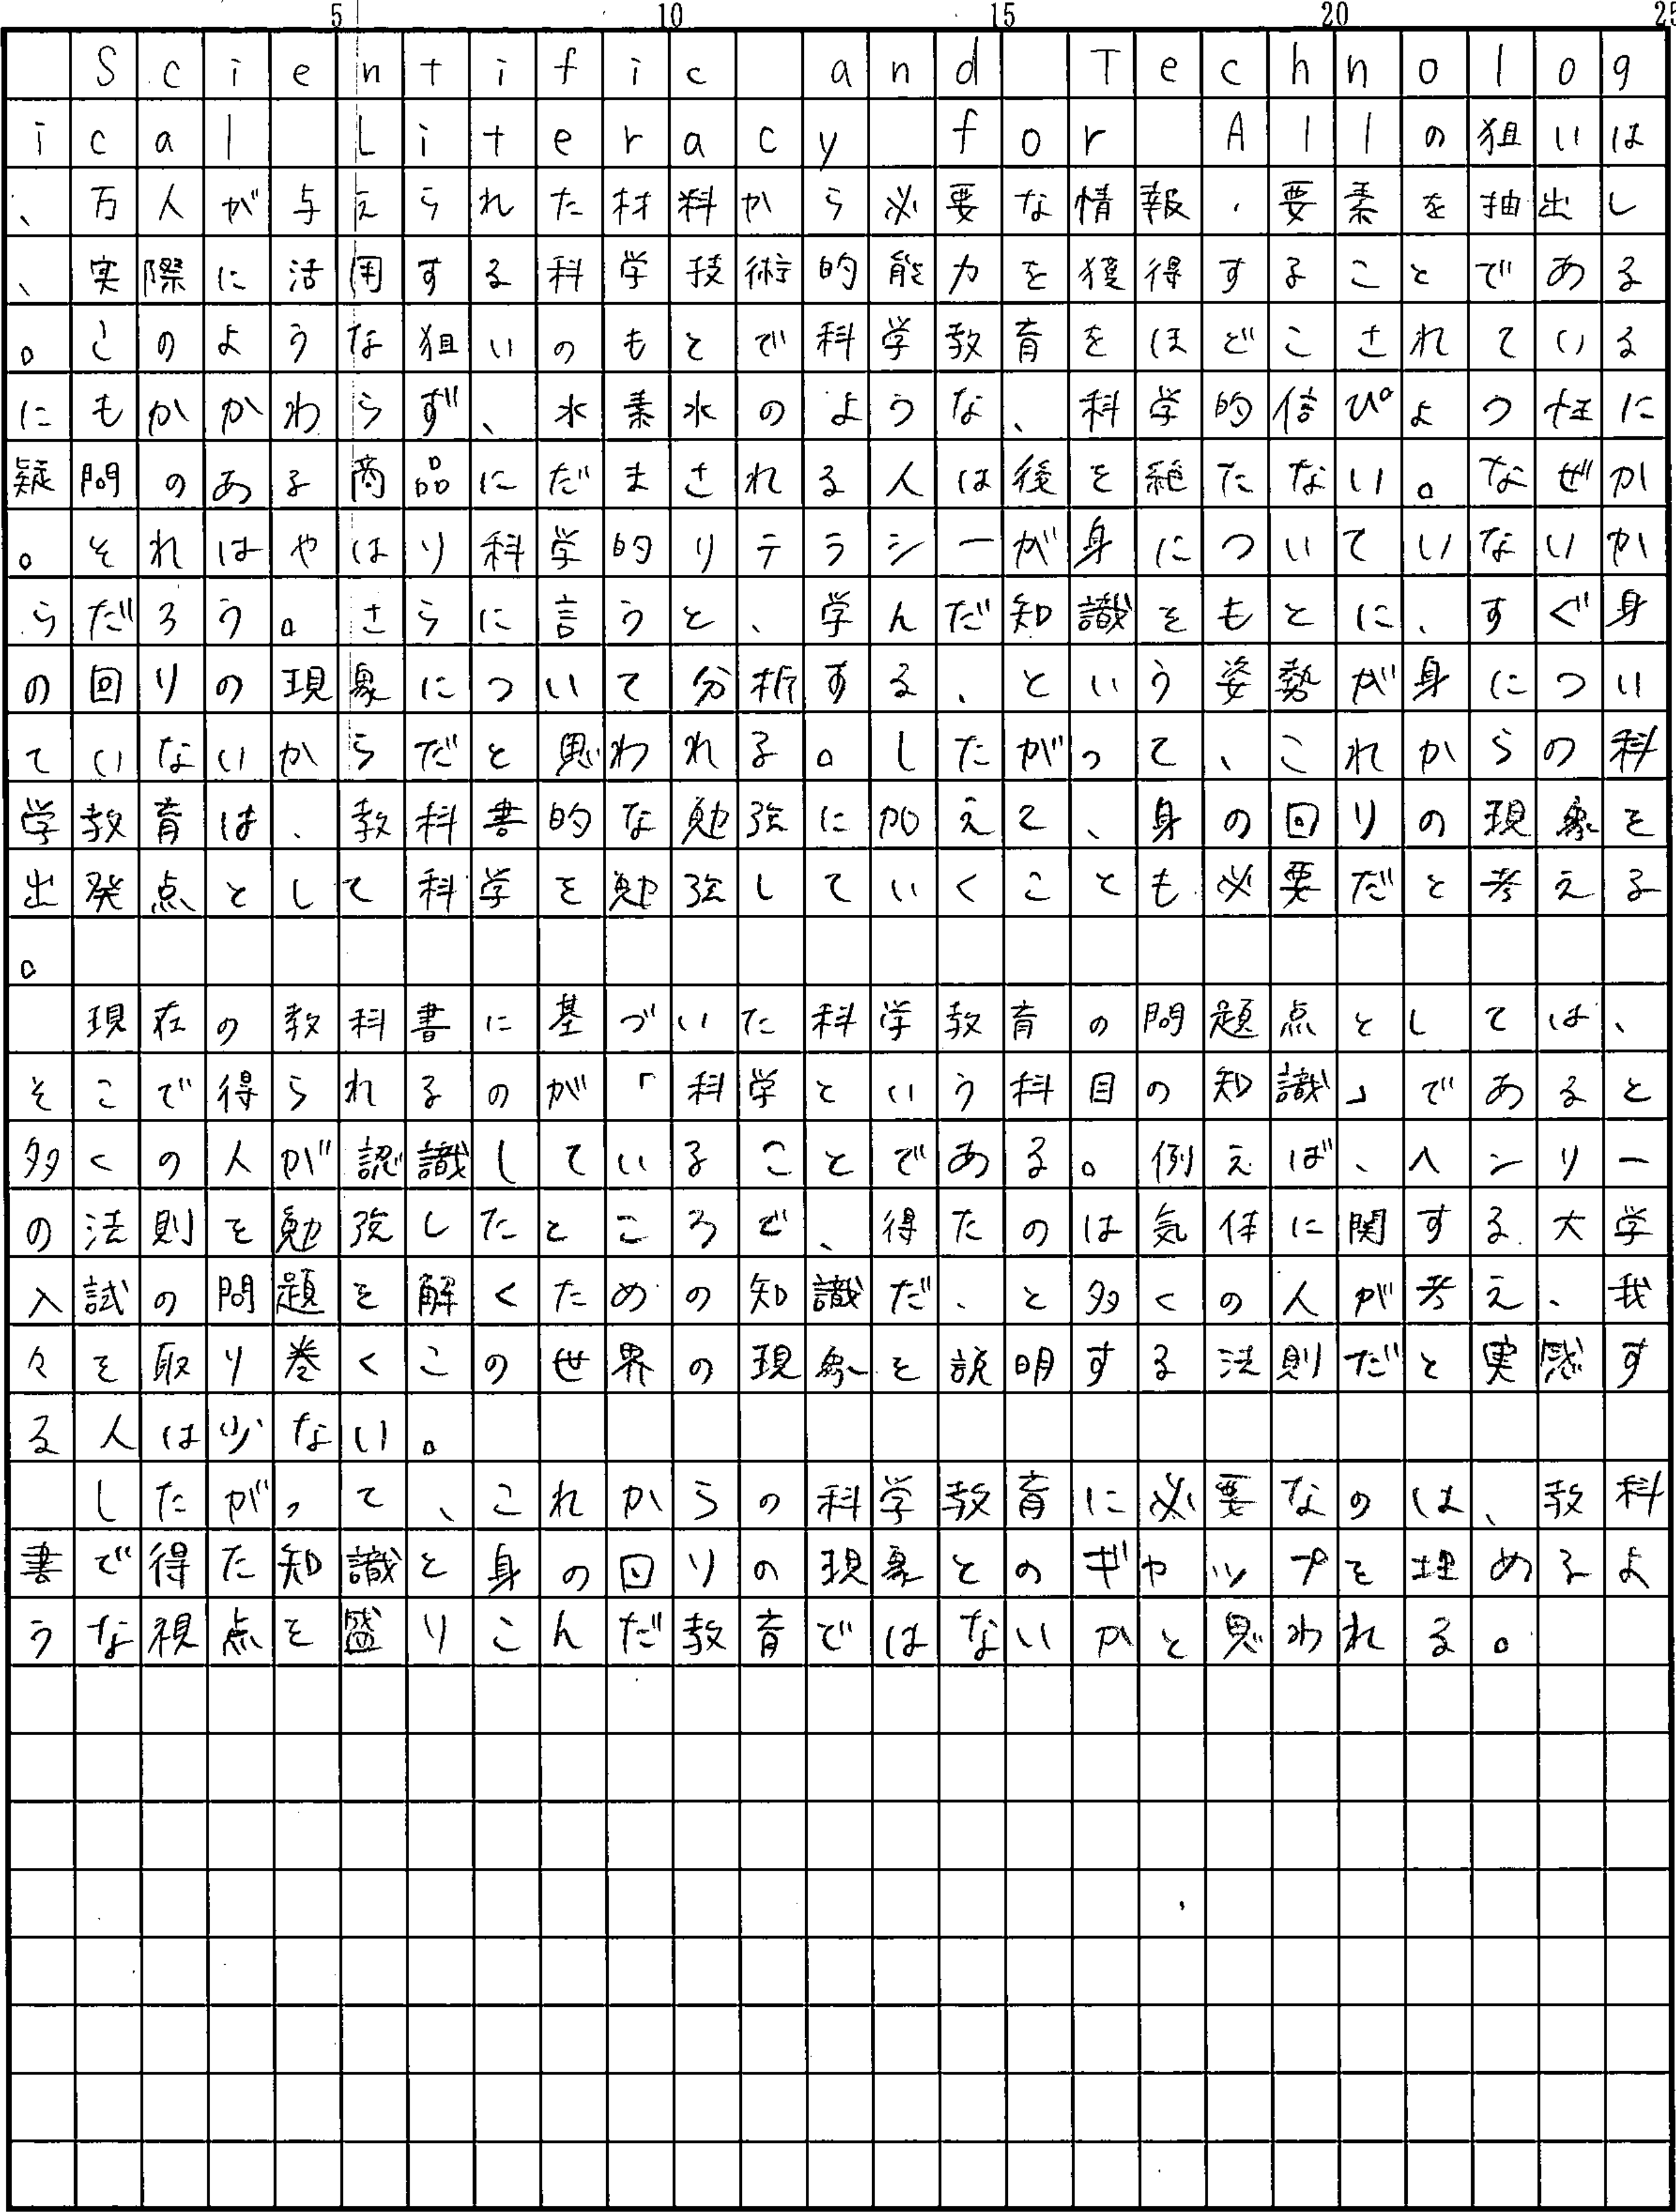　Ｓｃｉｅｎｔｉｆｉｃ　ａｎｄ　Ｔｅｃｈｎｏｌｏｇｉｃａｌ　Ｌｉｔｅｒａｃｙ　ｆｏｒ　Ａｌｌの狙いは、万人が与えられた材料から必要な情報・要素を抽出し、実際に活用する科学技術的能力を獲得することである。このような狙いのもとで科学教育をほどこされているにもかかわらず、水素水のような、科学的信ぴょう性に疑問のある商品にだまされる人は後を絶たない。なぜか。それはやはり科学的リテラシーが身についていないからだろう。さらに言うと、学んだ知識をもとに、すぐ身の回りの現象について分析する、という姿勢が身についていないからだと思われる。したがって、これからの科学教育は、教科書的な勉強に加えて、身の回りの現象を出発点として科学を勉強していくことも必要だと考える。
　現在の教科書に基づいた科学教育の問題点としては、そこで得られるのが「科学と言う科目の知識」であると多くの人が認識していることである。例えば、ヘンリーの法則を勉強したところで、得たのは気体に関する大学入試の問題を解くための知識だ、と多くの人が考え、我々を取り巻くこの世界の現象を説明する法則だと実感する人は少ない。
　したがって、これからの科学教育に必要なのは、教科書で得た知識と身の回りの現象とのギャップを埋めるような視点を盛りこんだ教育ではないかと思われる。
